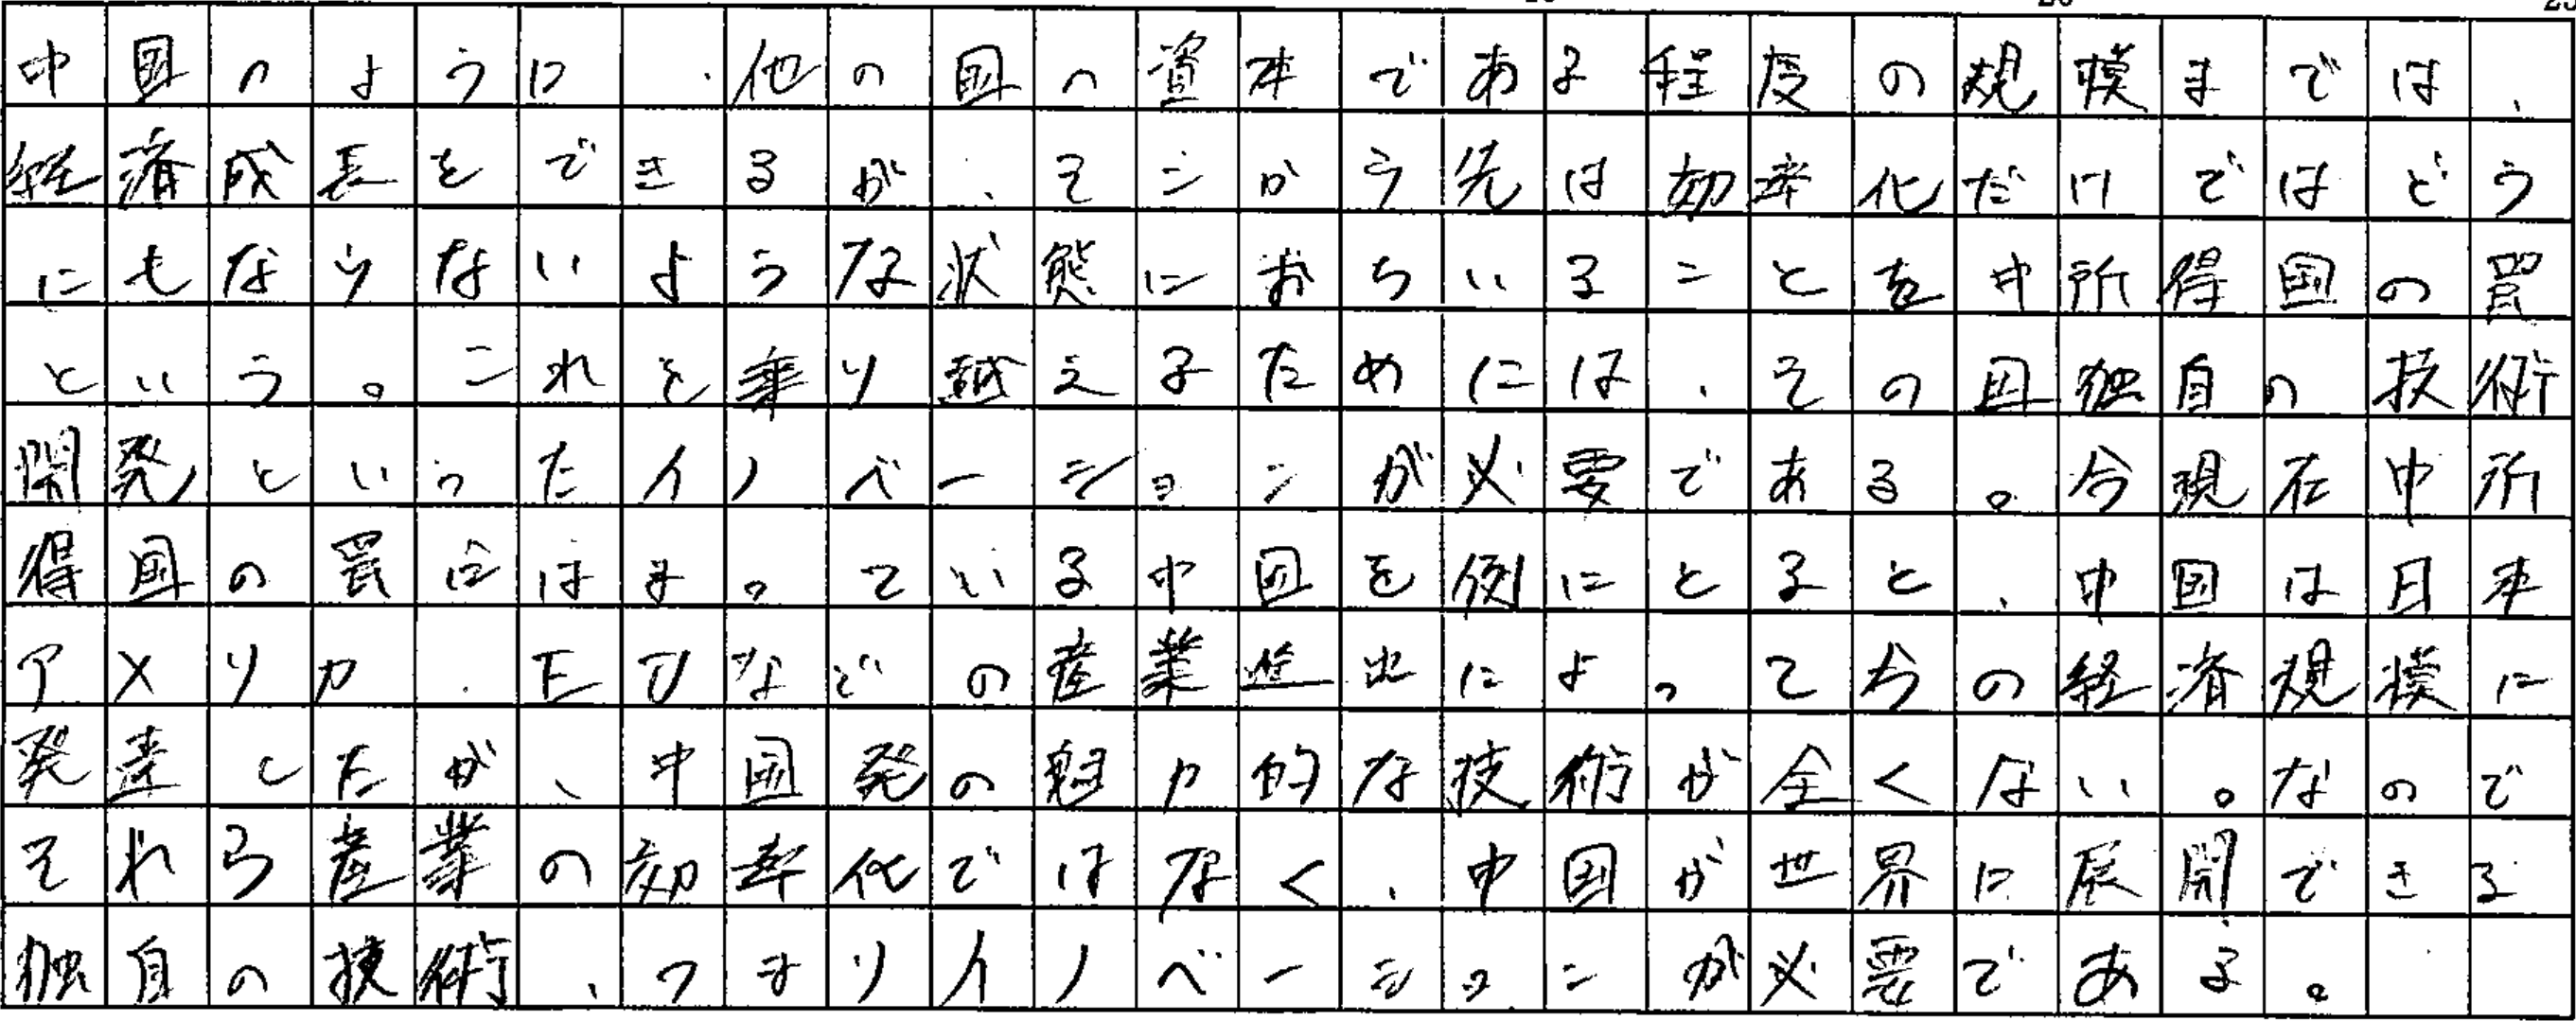中国のように、他の国の資本である程度の規模までは、経済成長をできるが、そこから先は効率化だけではどうにもならないような状態におちいることを中所得国の罠という。これを乗り越えるためには、その国独自の技術開発といったイノベーションが必要である。今現在中所得国の罠にはまっている中国を例にとると、中国は日本アメリカ、ＥＵなどの産業進出によって今の経済規模に発達したが、中国発の魅力的な技術が全くない。なのでそれら産業の効率化ではなく、中国が世界に展開できる独自の技術、つまりイノベーションが必要である。
